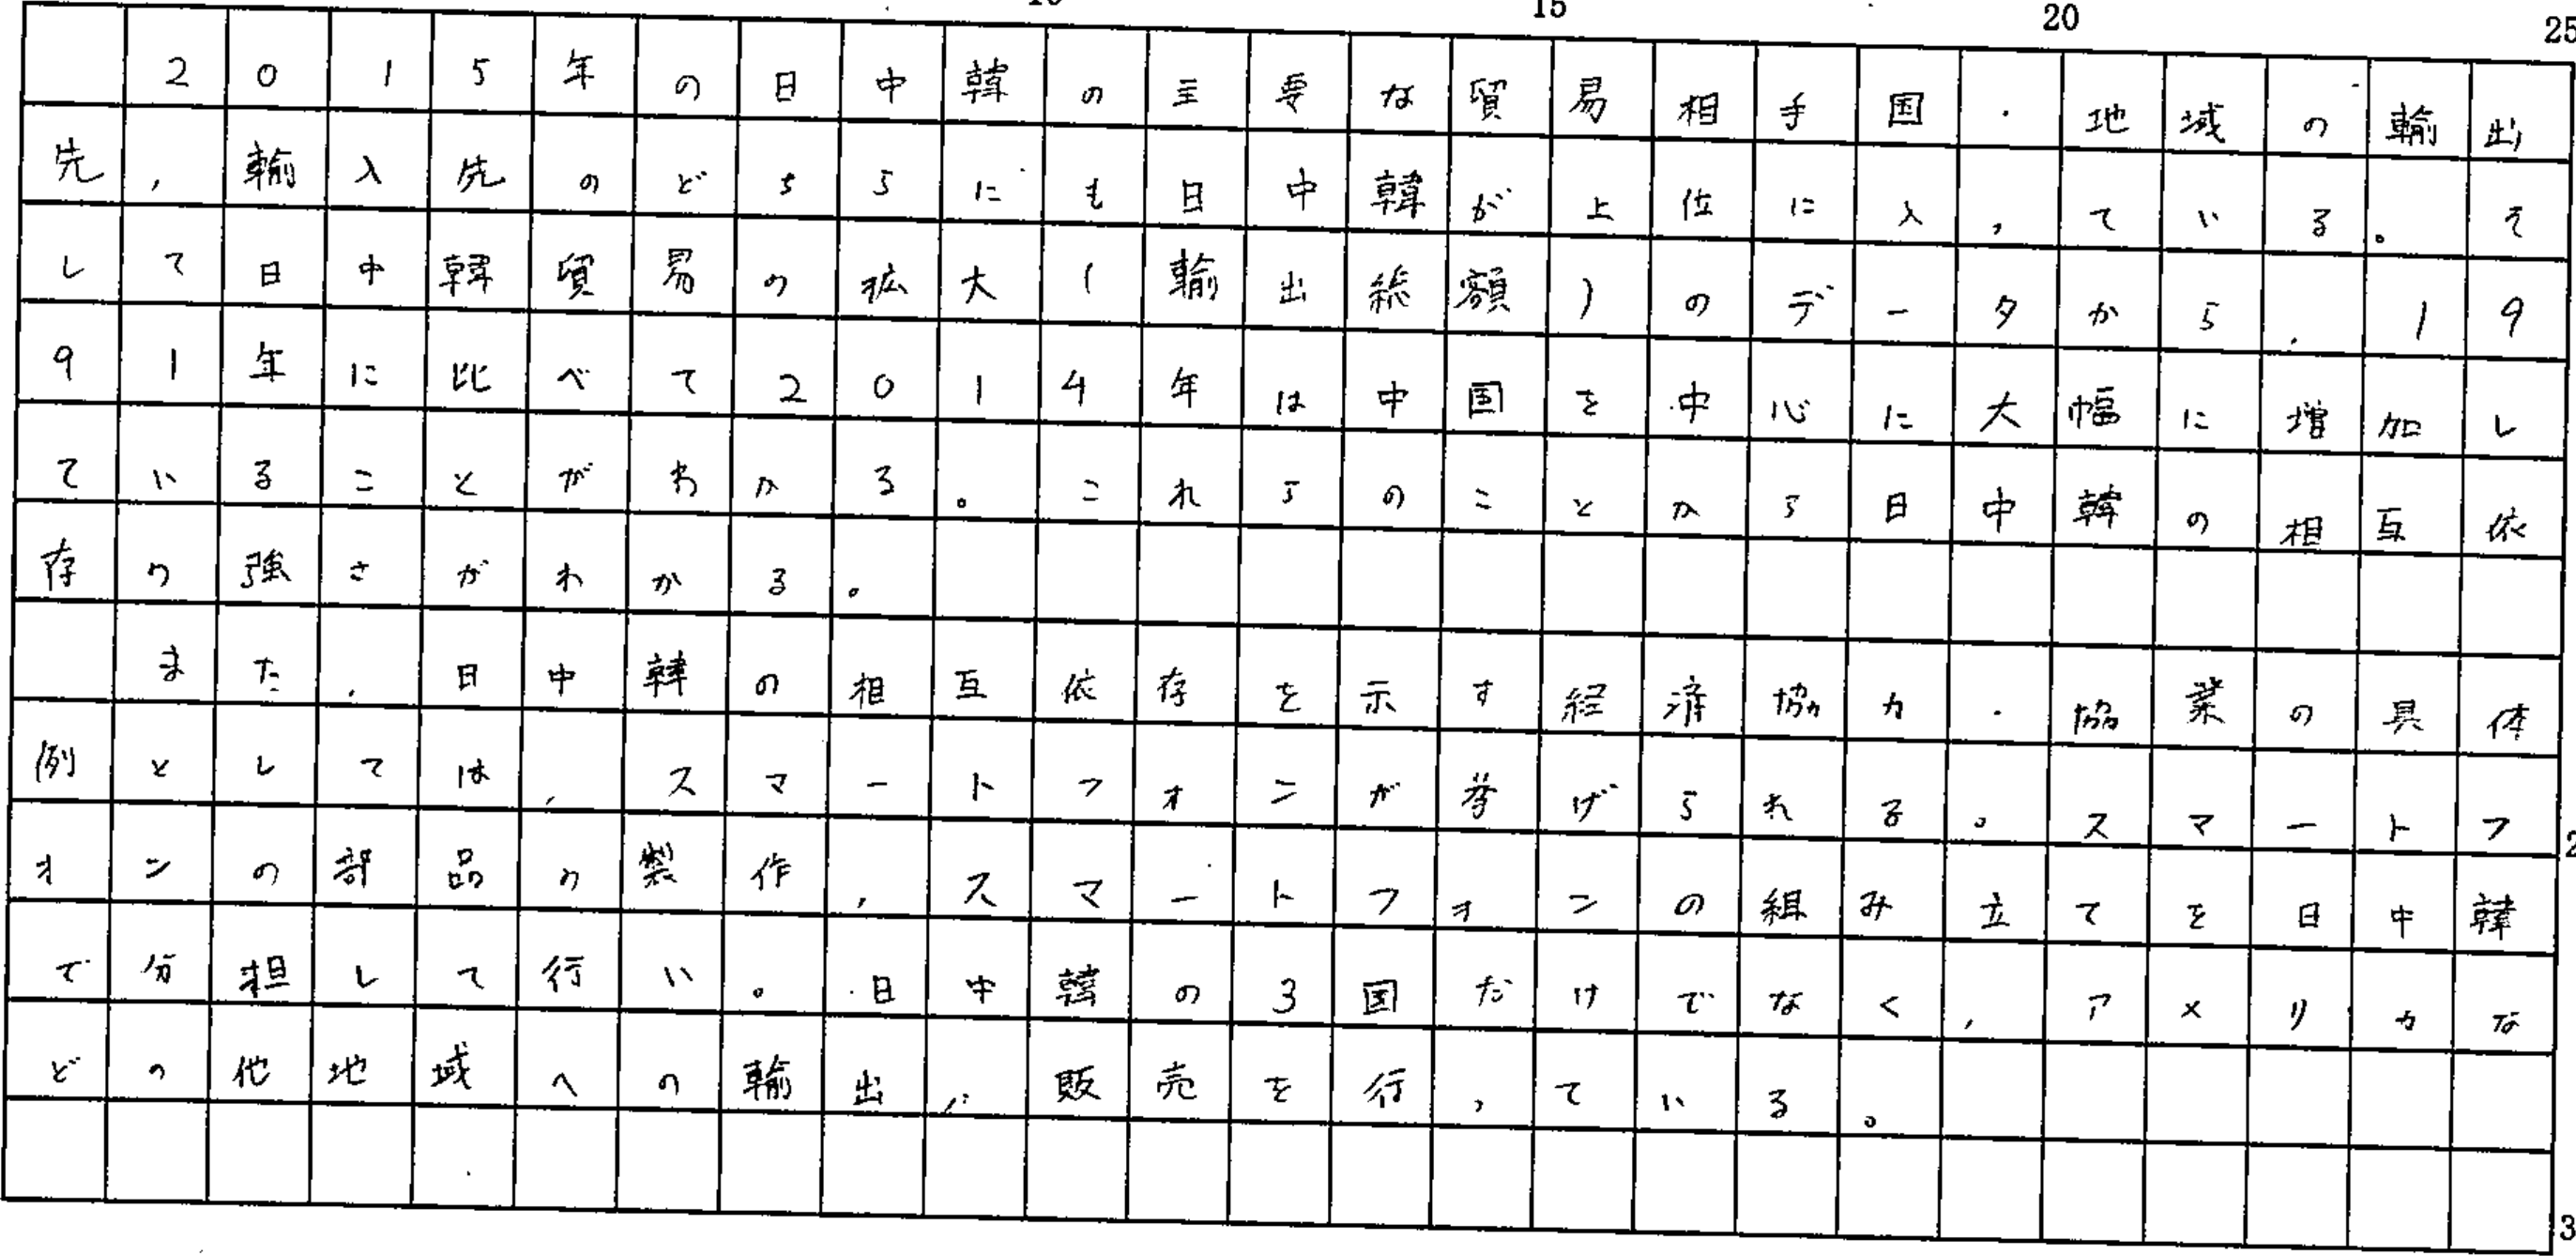　２０１５年の日中韓の主要な貿易相手国・地域の輸出先，輸入先のどちらにも日中韓が上位に入っている。そして日中韓貿易の拡大（輸出総額）のデータから，１９９１年に比べて２０１４年は中国を中心に大幅に増加していることがわかる。これらのことから日中韓の相互依存の強さがわかる。
　また，日中韓の相互依存を示す経済協力・協業の具体例としては，スマートフォンが挙げられる。スマートフォンの部品の製作，スマートフォンの組み立てを日中韓で分担して行い。日中韓の３国だけでなく，アメリカなどの他地域への輸出，販売を行っている。
